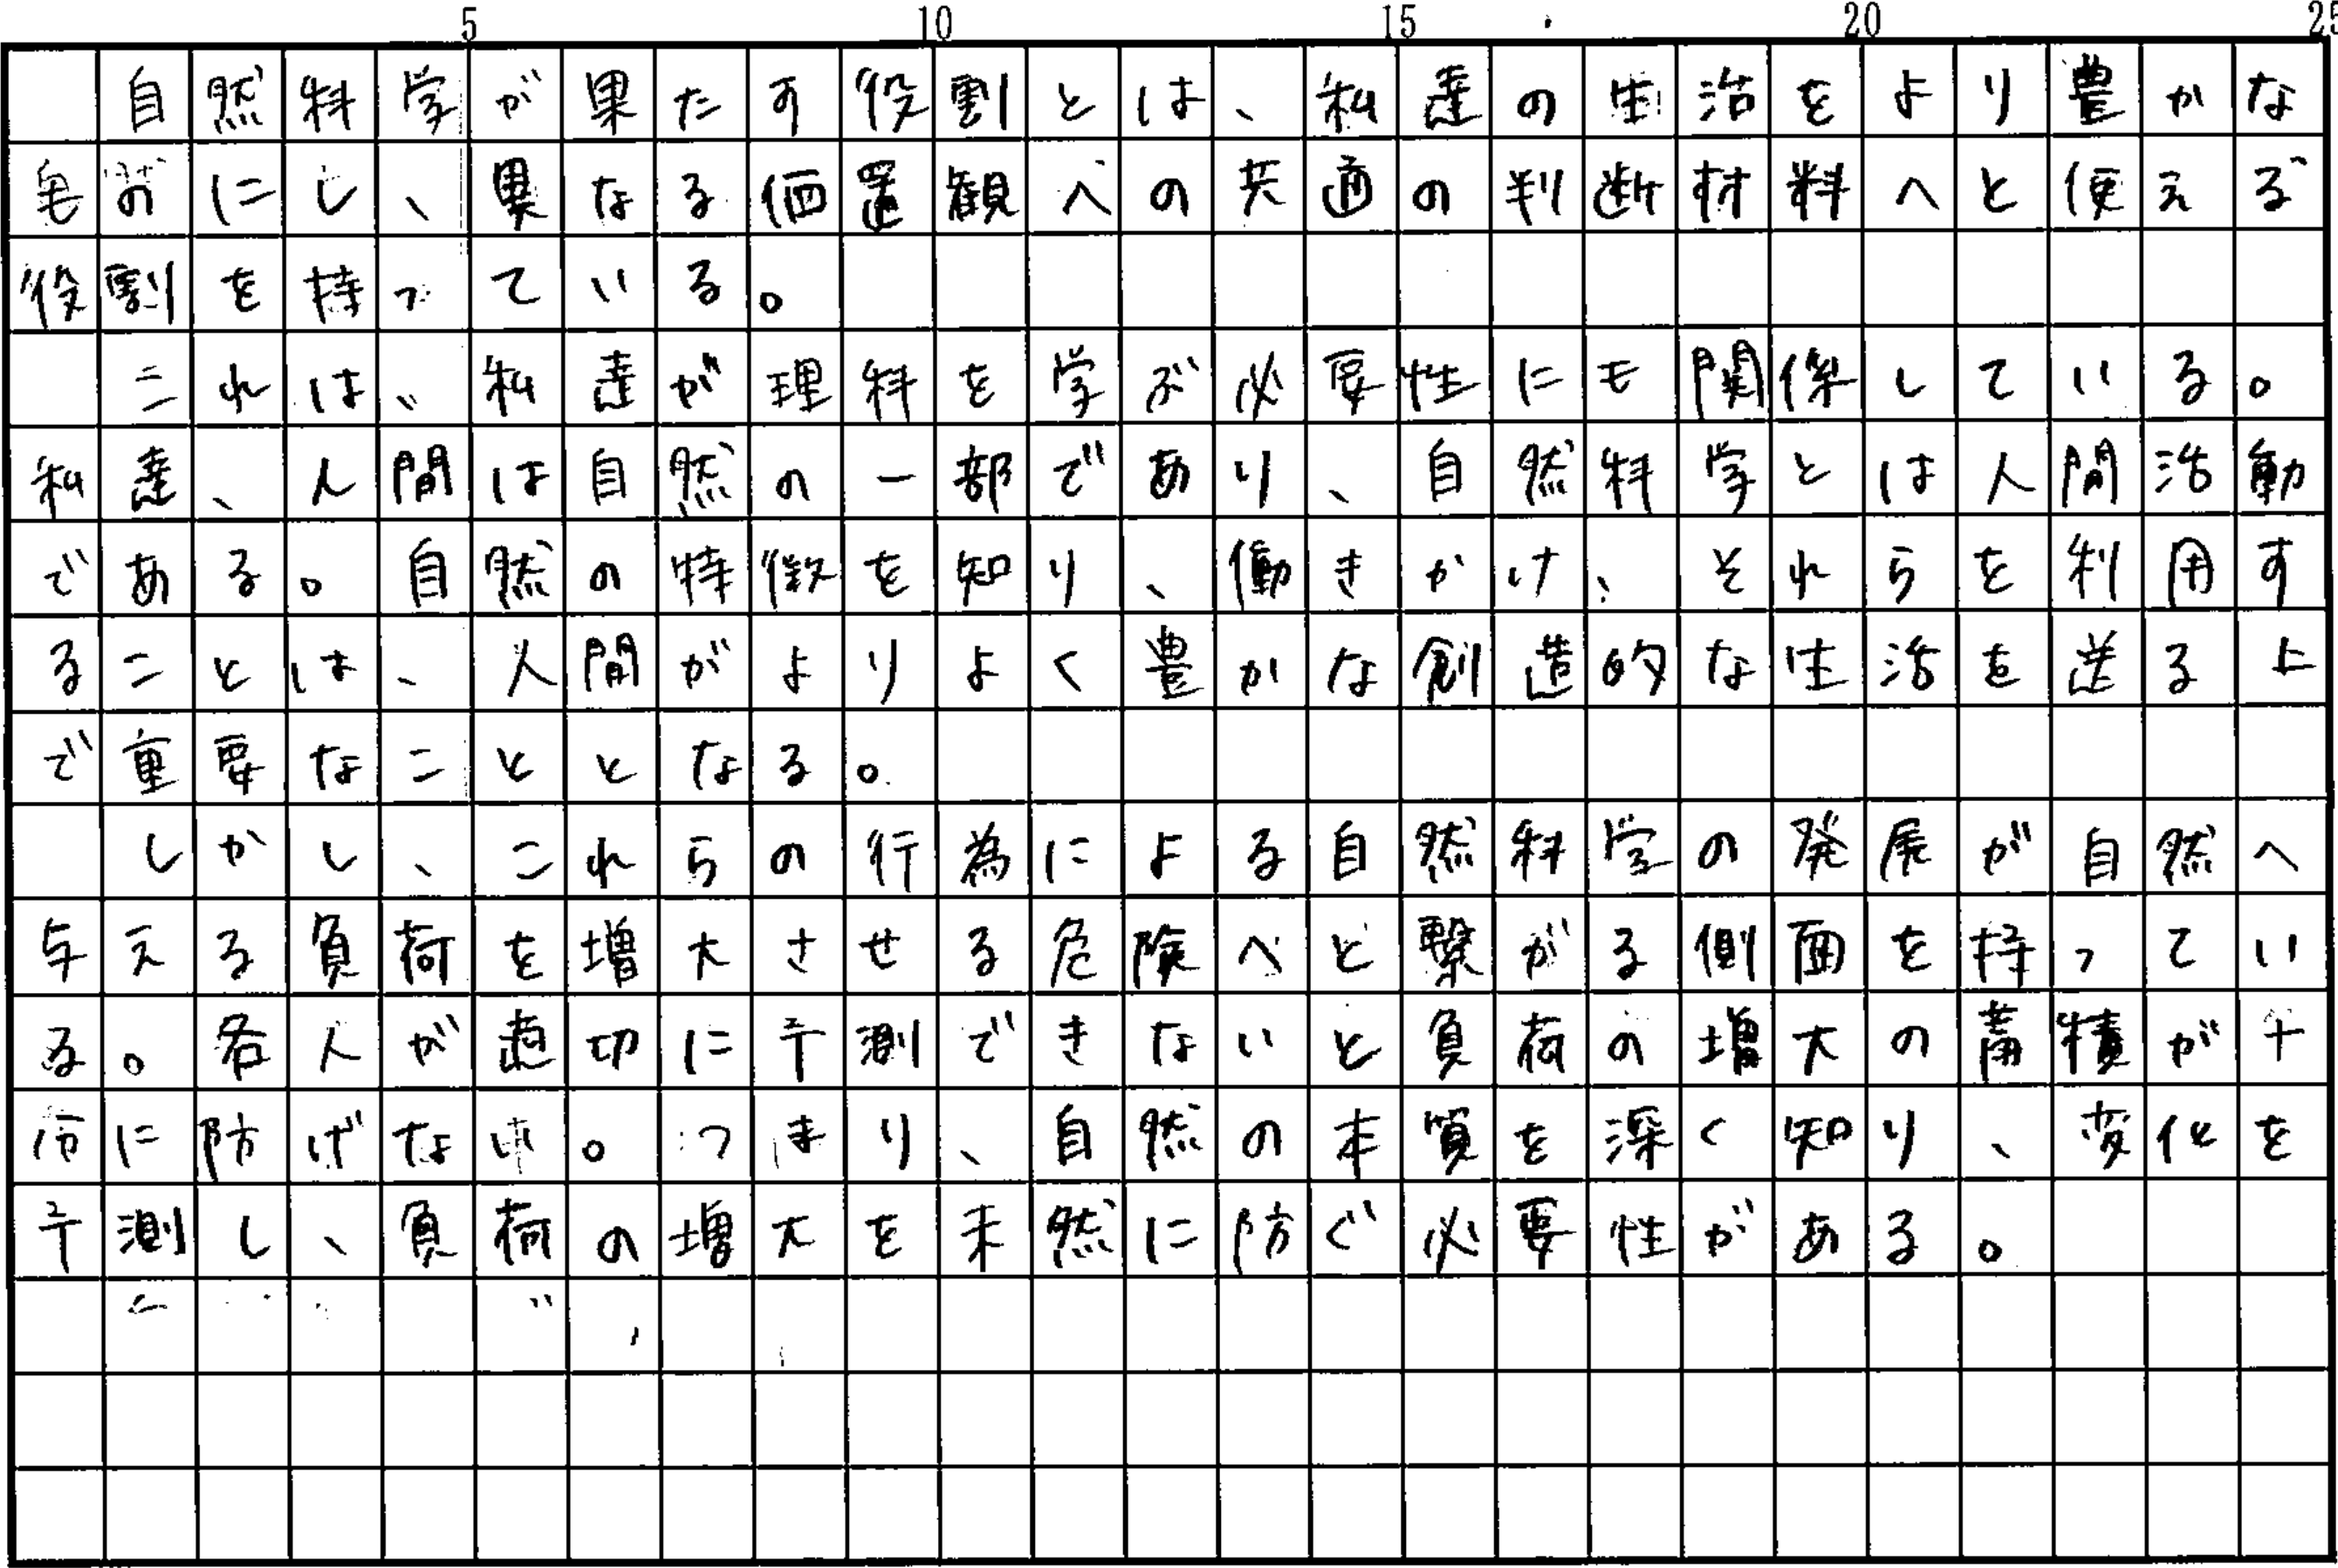　自然科学が果たす役割とは、私達の生活をより豊かなものにし、異なる価置観への共通の判断材料へと使える役割を持っている。
　これは、私達が理科を学ぶ必要性にも関係している。私達、人間は自然の一部であり、自然科学とは人間活動である。自然の特徴を知り、働きかけ、それらを利用することは、人間がよりよく豊かな創造的な生活を送る上で重要なこととなる。
　しかし、これらの行為による自然科学の発展が自然へ与える負荷を増大させる危険へと繋がる側面を持っている。各人が適切に予測できないと負荷の増大の▁積が十分に防げない。つまり、自然の本質を深く知り、変化を予測し、負荷の増大を未然に防ぐ必要性がある。
